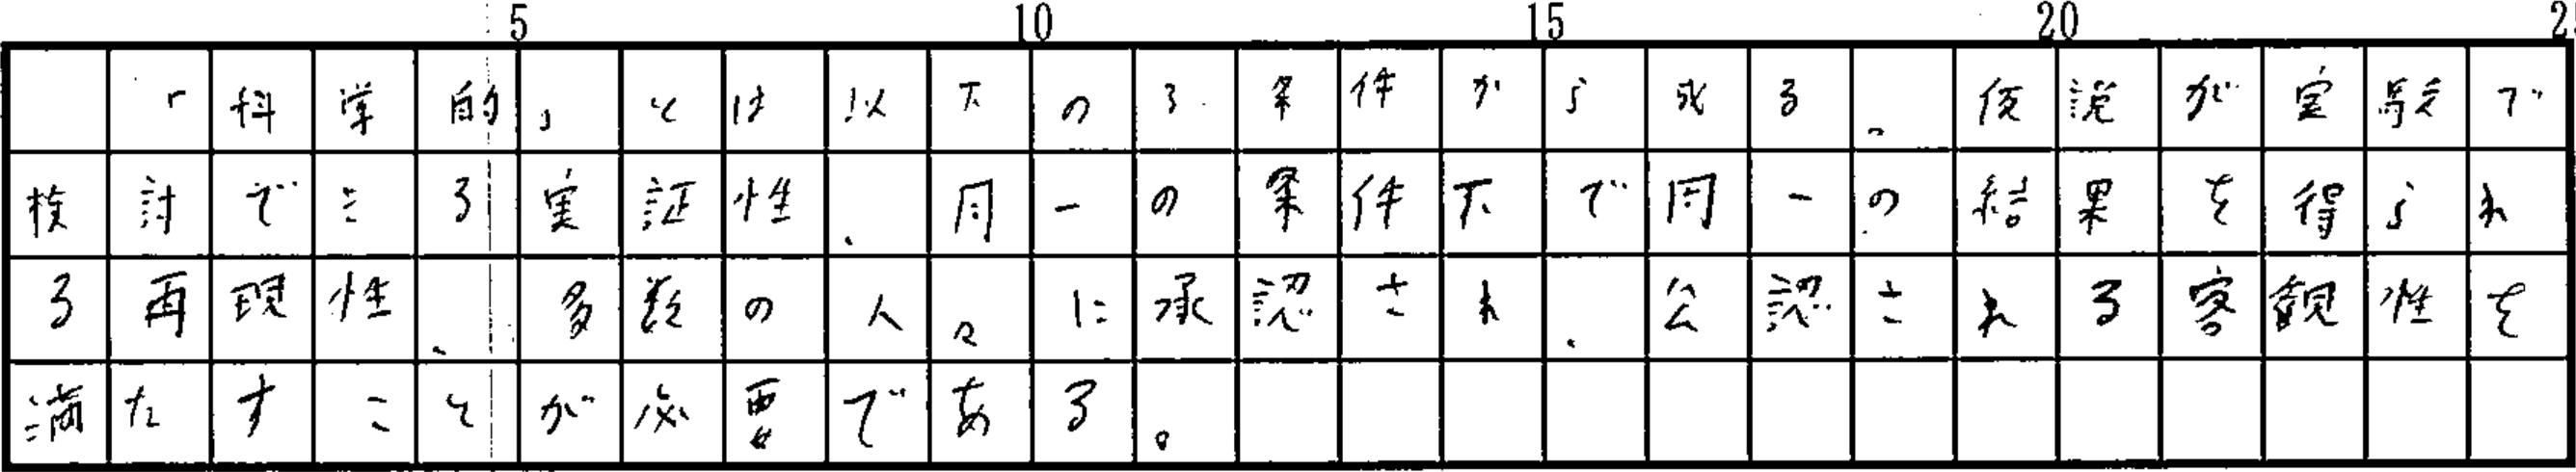　「科学的」とは以下の３条件から成る。仮説が実験で検討できる実証性、同一の条件下で同一の結果を得られる再現性、多数の人々に承認され、公認される客観性を満たすことが必要である。
